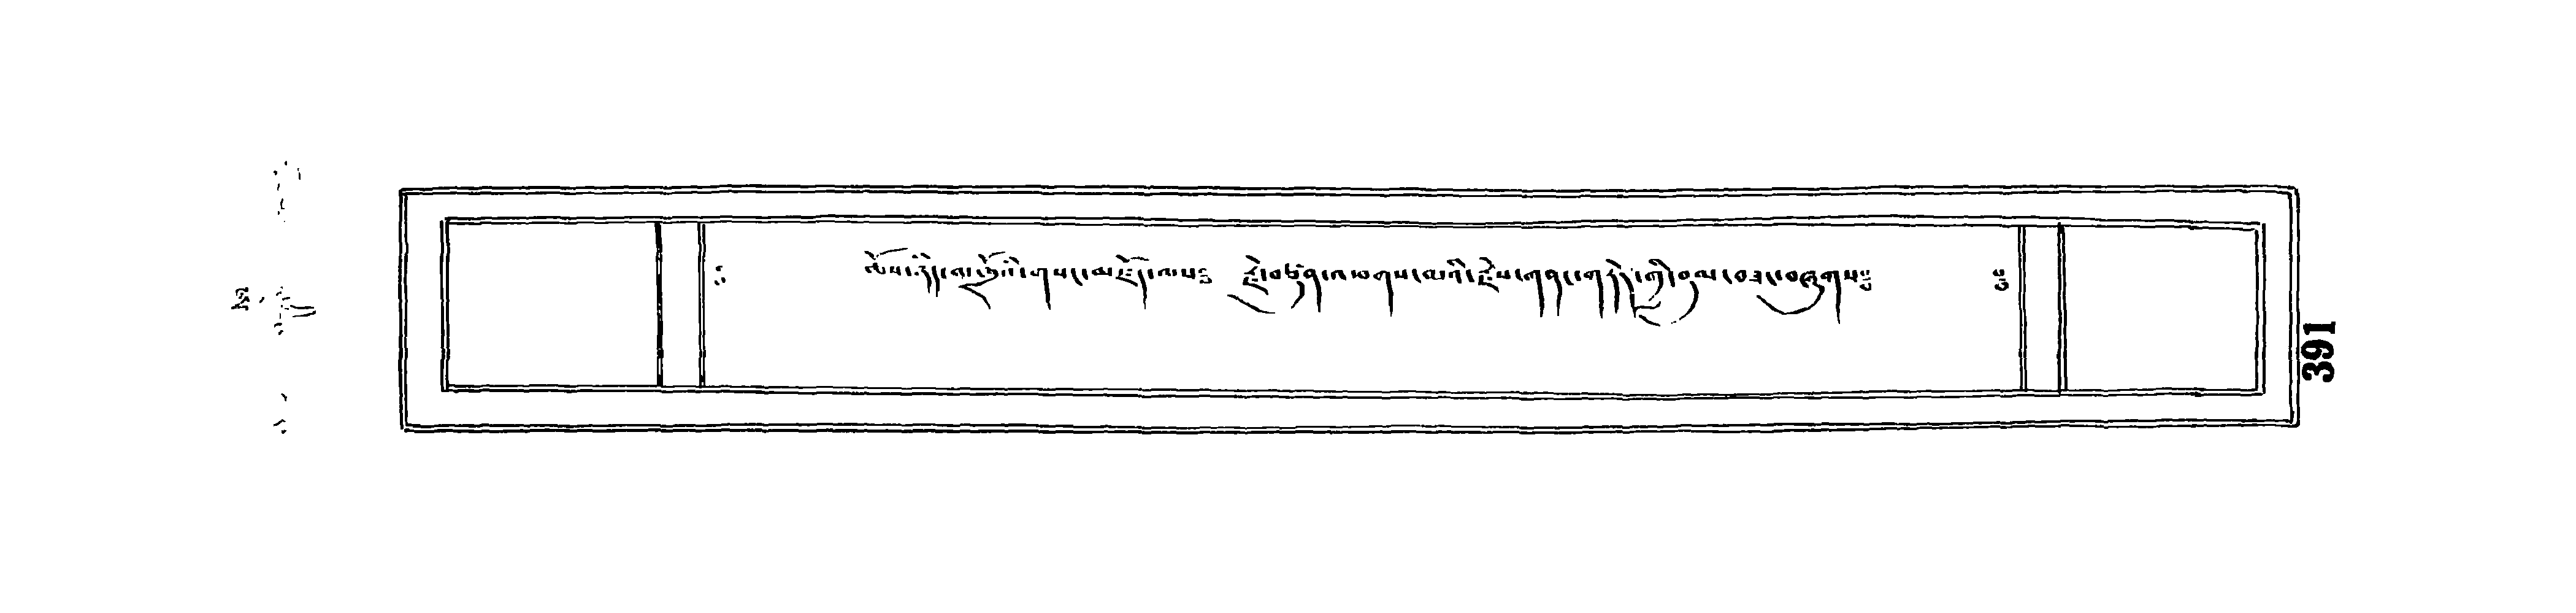ཆོས་ཉིད་མཁའ་འགྲོའི་གསང་མཛོད་ལས༔ རྗེ་བཙུན་འཕགས་མའི་རྗེས་གནང་གཏེར་གྱི་བུམ་བཟང་བཞུགས༔